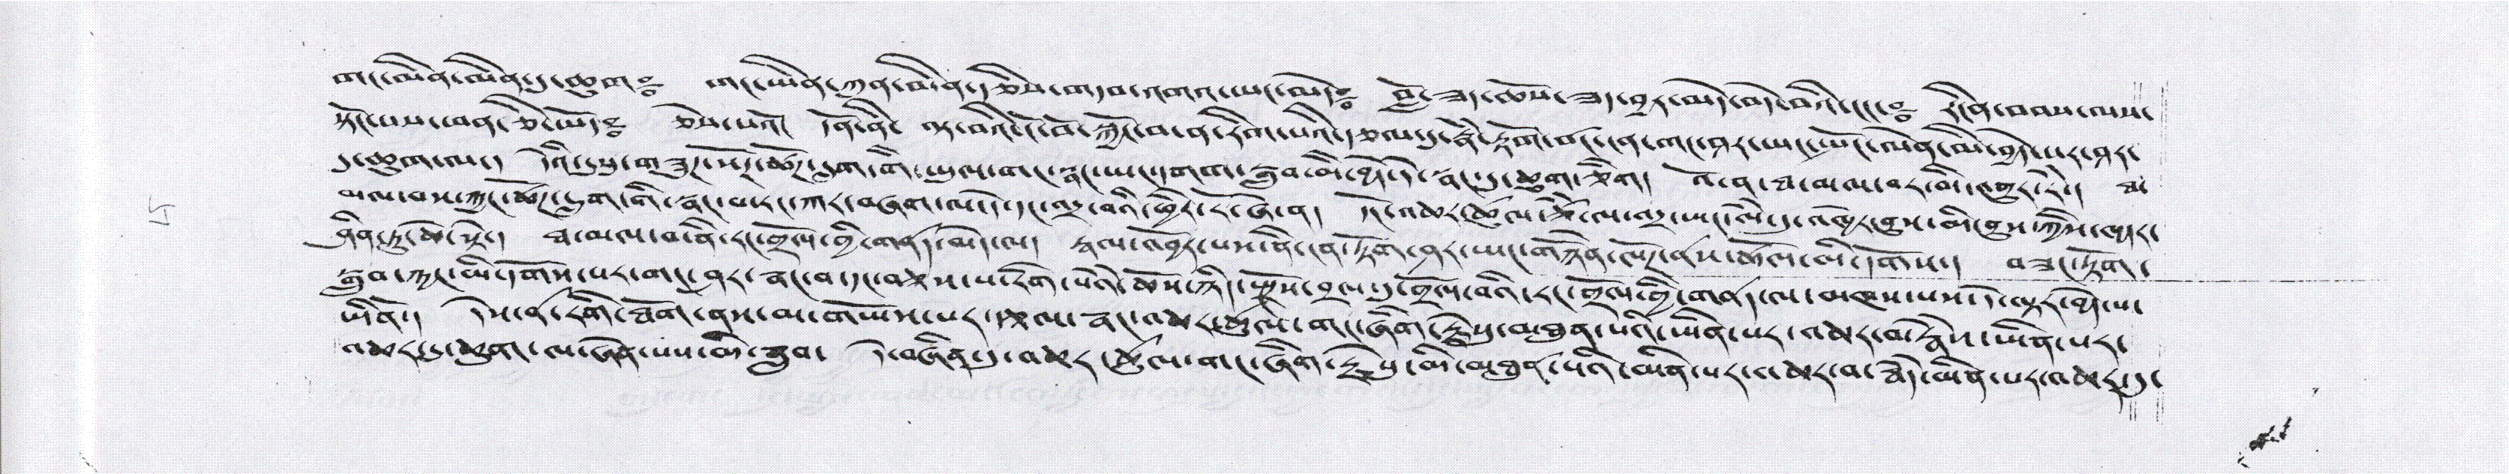གང་མིན་མིན་དུ་ཆུགཿ གང་ཡིན་ཀུན་མིན་རྩིས་གདབ་འགའ་ཡང་མེདཿ བློ་ཟད་ཆོས་ཟད་བྱར་མེད་བདེ་བའི་ངངཿ རང་བཞིན་བབ་ལས་
སྟོང་པས་ཕན་ཅི་ཡོདཿ ཅེས་པའོ། དོན་ནི། ལྟ་བའི་ངོ་བོ་སྐྱོང་བ་ན་རིག་པའི་རྩལ་དུ་རྣམ་རྟོག་བཟང་ངན་གང་ཤར་ཡང་སྤོང་ལེན་མི་བྱེད་པར་ཤར་
དུ་ཆུག་ལ། དེའི་དུས་སུ་གཟུགས་སོགས་ཚོགས་དྲུག་གི་ཡུལ་གང་སྣང་ཡང་དགག་སྒྲུབ་མི་བྱེད་དེ་སྣང་དུ་ཆུག་ཅིག འོ་ན་ཐ་མལ་བར་མི་འགྱུར་ཏེ། ཐ་
མལ་བས་ཀྱང་ཚོགས་དྲུག་གི་སྣང་བ་རང་དགར་བཞག་ལ་དེ་དང་འདྲ་བའི་ཕྱིར་རོ་ཞེ་ན། དང་པོ་འཆར་ཚུལ་ཙམ་ལ་འདྲ་ཡང་ལམ་དུ་འཁྱེར་ནུས་མི་ནུས་ཀྱིས་ཁྱད་པར་
ཤིན་ཏུ་ཆེ་སྟེ། ཐ་མལ་བ་ནི་རང་གྲོལ་གྱི་གནད་མེད་ལ། རྣལ་འབྱོར་པས་ནི་ངན་རྟོག་ཤར་ཡང་གཉེན་པོ་ལོགས་ནས་འཚོལ་མི་དགོས། བཟང་རྟོག་
བསྒྲུབ་ཀྱང་མི་དགོས་པར་གང་ཤར་སྣང་བ་དང་བཅས་པ་རིག་པའི་ཆོས་ཉིད་སྤྲོས་བྲལ་དུ་གྲོལ་བའི་རང་གྲོལ་གྱི་གནད་ལ་མཁས་པས་དེ་ལྟར་བྱེད་པ་
ཡིན་ནོ། དེས་ན་རིག་ཐོག་ནས་མ་གཡོས་པར་རྩལ་སྣང་འཆར་ཚུལ་གང་ཞིག་རྗེས་སུ་མཐུན་པའི་ཡིན་པར་འཆར་བ་རྣམས་ཡིན་པར་
འཆར་དུ་ཆུག་ལ་ཞེན་པས་མི་བསྒྲུབ། དེ་བཞིན་དུ་འཆར་ཚུལ་གང་ཞིག་རྗེས་སུ་མི་མཐུན་པའི་མིན་པར་འཆར་བ་ཐམས་ཅད་ཡིན་པར་འཆར་དུ་